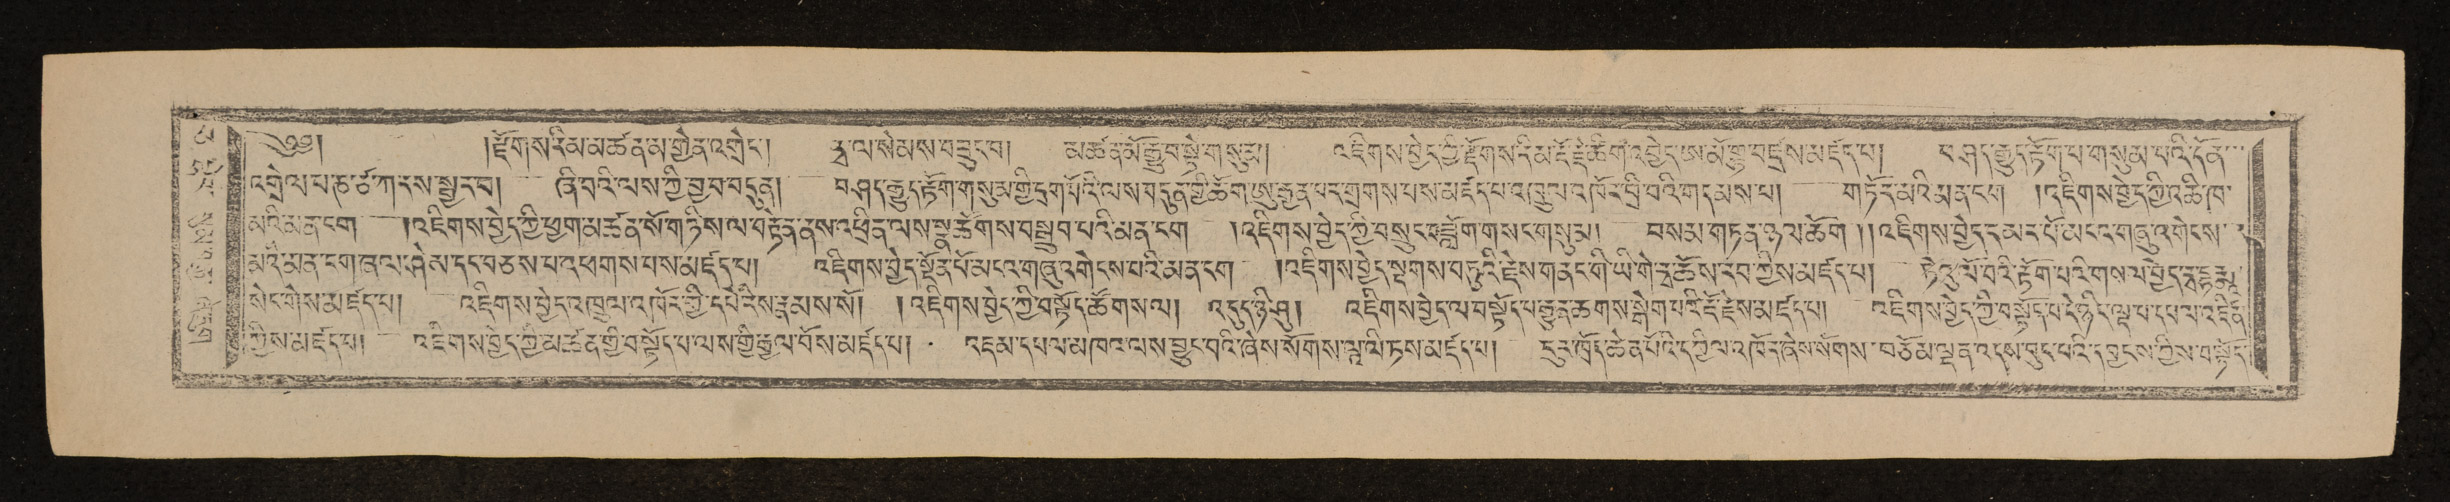༄༅། །རྫོགས་རིམ་མཚན་མ་གྱེན་འགྲེང་། རྭ་ལ་སེམས་བཟུང་བ། མཚན་མོ་རྒྱུ་བ་སྟེ་གསུམ། འཇིགས་བྱེད་ཀྱི་རྫོགས་རིམ་རྡོ་རྗེ་ཚིག་འབྱེད་ཨ་མོ་གྷ་བཛྲས་མཛད་པ། བཤད་རྒྱུད་རྟོག་པ་གསུམ་པའི་དོན་
འགྲེལ་པཎ་ཙ་ཀ་རས་སྦྱར་བ། ཞི་བའི་ལས་ཀྱི་བྱ་བ་བདུན། བཤད་རྒྱུད་རྟོག་གསུམ་གྱི་དྲག་པོའི་ལས་བདུན་གྱི་ཆོག་ཨུ་རྒྱན་པར་གྲགས་བས་མཛད་པ་འཁྲུལ་འཁོར་བྲི་བའི་གདམས་བ། གཏོར་མའི་མན་ངག །འཇིགས་བྱེད་ཀྱི་འཆི་ཁ་
མའི་མན་ངག །འཇིགས་བྱེད་ཀྱི་ཕྱག་མཚན་སོ་གཉིས་ལ་བརྟེན་ནས་འཕྲིན་ལས་སྣ་ཚོགས་བསྒྲུབ་པའི་མན་ངག །འཇིགས་བྱེད་ཀྱི་བསྲུང་བཟློག་གསང་གསུམ། བསམ་གཏན་ཉལ་ཆོག །འཇིགས་བྱེད་དམར་པོ་མདའ་གཞུ་འགེངས་
མའི་མན་ངག་ཞལ་ཤས་དང་བཅས་པ་འཕགས་པས་མཛད་པ། འཇིགས་བྱེད་སྔོན་པོ་མདའ་གཞུ་འགེངས་པའི་མན་ངག །འཇིགས་བྱེད་སྔགས་བཏུའི་རྗེས་གནང་གི་ཡི་གེ་རྭ་ཆོས་རབ་ཀྱིས་མཛད་པ། ཏེའུ་ལོ་བའི་རྟོག་པའི་གསལ་བྱེད་རྭ་དྷརྨཱ་
སེང་གེས་མཛད་པ། འཇིགས་བྱེད་འཁྲུལ་འཁོར་གྱི་དཔེ་རིས་རྣམས་སོ། །འཇིགས་བྱེད་ཀྱི་བསྟོད་ཚོགས་ལ། བདུད་ཉི་ཤུ། འཇིགས་བྱེད་ལ་བསྟོད་པ་རྒྱུན་ཆགས་སྒེག་པའི་རྡོ་རྗེས་མཛད་པ། འཇིགས་བྱེད་ཀྱི་བསྟོད་བ་དེ་ཉིད་ལྔ་པ་དཔལ་འཛིན་
གྱིས་མཛད་པ། འཇིགས་བྱེད་ཀྱི་མཚན་གྱི་བསྟོད་པ་ལས་ཀྱི་རྒྱལ་པོས་མཛད་པ། འཇམ་དཔལ་མཁའ་ལས་བྱུང་བའི་ཞེས་སོགས་ལཱ་ལི་ཏས་མཛད་པ། དུར་ཁྲོད་ཆེན་པོའི་དཀྱིལ་འཁོར་ཞེས་སོགས་བཅོམ་ལྡན་འདས་བུང་བའི་དབྱངས་ཀྱིས་བསྟོད་